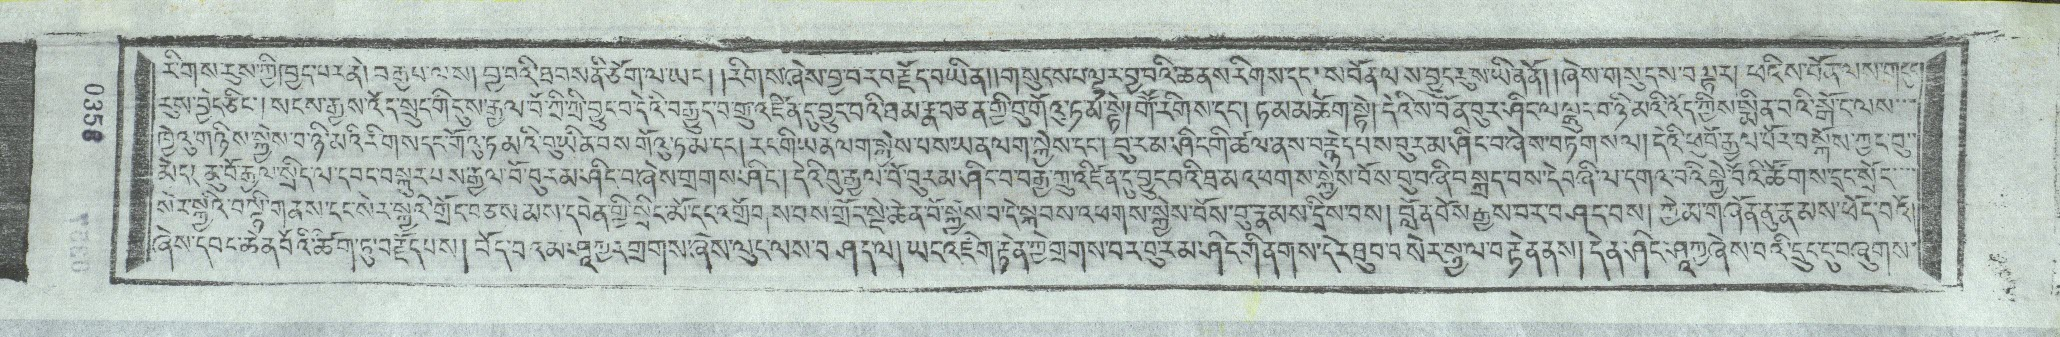རིགས་རུས་ཀྱི་ཁྱད་པར་ནི། བརྒྱ་པ་ལས། བྱ་བའི་ཐབས་ནི་གཅོ་ལ་ཡང་། །རིགས་ཞེས་བྱ་བར་བརྗོད་བ་ཡིན། །གསུངས་པ་ལྟར་བྱ་བའི་ཆ་ནས་རིགས་དང་ས་བོན་ལས་བྱུང་རུས་ཡིན་ནོ། །ཞེས་གསུངས་བལྟར། ཕའི་ས་བོན་ལས་གདུང་
རུས་བྱེད་ཅིང་། སངས་རྒྱས་འོད་སྲུང་གི་དུས་རྒྱལ་བོ་ཀྲི་ཀྲི་བྱུང་བ་དེའི་བརྒྱུད་བ་གྲུ་འཛིན་དུ་བྱུང་བའི་ཐམ་རྣ་བ་ཅན་གྱི་བུ་གོའུ་ཏམ་སྟེ། གོ་རིགས་དང་། ཏམ་མཆོག་སྟེ། དེའི་ས་བོན་བུར་ཤིང་ལ་སྒུང་བ་ཉི་མའི་འོད་ཀྱིས་སྨིན་བའི་སྒོ་ང་ལས་
ཁྱེའུ་གཉིས་སྐྱེས་བ་ཉི་མའི་རིགས་དང་གོའུ་ཏ་མའི་བུ་ཡིན་བས་གོའུ་ཏ་མ་དང་། རང་གི་ཡན་ལག་སྐྱེས་པས་ཡན་ལག་སྐྱེས་དང་། བུ་རམ་ཤིང་གི་ཚལ་ནས་བརྙེད་པས་བུར་མ་ཤིང་བ་ཞེས་བཏགས་ལ། དེའི་ཕུ་བོ་རྒྱལ་པོར་བསྐོས་ཀྱང་བུ་
མེད༑ ནུ་བོ་རྒྱལ་སྲིད་ལ་དབང་བསྐུར་པས་རྒྱལ་བོ་བུར་མ་ཤིང་བ་ཞེས་གྲགས་ཤིང་། དེའི་བུ་རྒྱལ་བོ་བུར་མ་ཤིང་བ་བརྒྱ་གྲུ་འཛིན་དུ་བྱུང་བའི་ཐ་མ་འཕགས་སྐྱེས་པོས་བུ་བཞི་བསྐྲད་བས་དེ་བཞི་ལ་དགའ་བའི་སྐྱེ་བོའི་ཚོགས་དྲང་སྲོང་
སེར་སྐྱའི་བསྟི་གནས་དང་སེར་སྐྱའི་གྲོང་བཅས་མས་དབེན་གྱི་སྲིང་མོ་དང་འགྲོགས་བས་གྲོང་སྡེ་ཆེན་བོ་སྐྱེས་བ་དེ་སྐབས་འཕགས་སྐྱེས་བོས་བུ་རྣམས་དྲིས་བས། བློན་པོས་རྒྱས་བར་བཤད་བས། ཀྱེ་མ་གཞོན་ནུ་རྣམས་ཕོད་བའོ།
ཞེས་དབང་ཆེན་བོའི་ཚིག་ཏུ་བརྗོད་པས། པོད་བའམ་ཤཱཀྱར་གྲགས་ཞེས་ལུང་ལས་བཤད་ལ། ཡང་འཇིག་རྟེན་གྱི་གྲགས་བར་བུ་རམ་ཤིང་གི་ནགས་དེར་ཐུབ་བསེར་སྐྱ་ལ་བརྟེན་ནས། དེན་ཤིང་ཤཱཀྱ་ཞེས་བའི་དྲུང་དུ་བཞུགས་